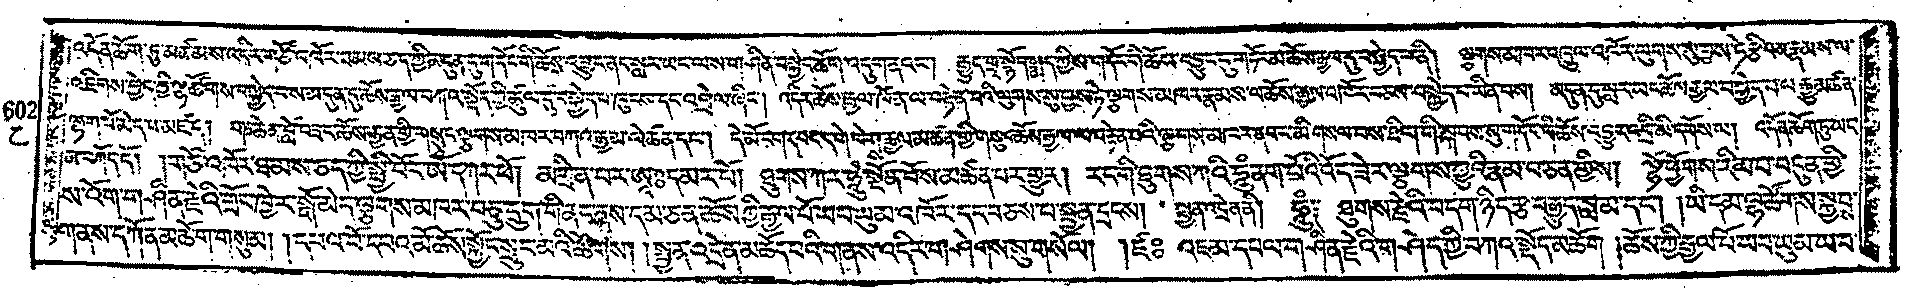འདོན་ཆོག་ཏུ་མཚམས་འདིར་གཙོ་འཁོར་ཐམས་ཅད་ཀྱི་མདུན་དུ་གདོང་གི་ཆོས་འབྱུང་ནང་སླར་ཡང་ལས་གཤིན་བསྐྱེད་ཆོག་འདུག་ནའང་། རྒྱུད་གྲྭ་སྟོད་སྨད་ཀྱིས་གདོང་གི་ཆོས་འབྱུང་དུ་གཏོར་མ་ཆོས་རྒྱལ་དུ་བསྐྱེད་པ་ནི། ལྕགས་མཁར་འཁྲུལ་འཁོར་ལུགས་སུ་བྱས་ཏེ་རྩིབས་རྣམས་ལ་
འཇིགས་བྱེད་ཀྱི་ལྷ་ཚོགས་བསྐྱེད་བས་མདུན་དུ་ཆོས་རྒྱལ་བཀའ་སྡོད་ཀྱི་ཚུལ་དུ་བསྐྱེད་པ་ཁུངས་དང་འབྲེལ་ཞིང་། འདིར་ཆོས་རྒྱལ་ཁོ་ན་ལ་བརྟེན་བའི་ལུགས་སུ་བྱས་ཏེ་ལྕགས་མཁར་རྣམས་ལ་ཆོས་རྒྱལ་འཁོར་བཅས་བསྐྱེད་པ་ཡིན་པས། མདུན་དུ་སླར་ཡང་ཆོས་རྒྱལ་བསྐྱེད་པ་ལ་རྒྱུ་མཚན་
ལྷག་པོ་མེད་པ་མཛད། པཎ་ཆེན་བློ་བཟང་ཆོས་རྒྱན་གྱི་གསུང་ལྕགས་མཁར་བཀའ་རྒྱ་མ་ལེ་ཚན་དང་། དེ་མོ་ངག་དབང་དགེ་ལེགས་རྒྱལ་མཚན་གྱི་གསུང་ཆོས་རྒྱལ་ལ་བརྟེན་བའི་ལྕགས་མཁར་ནའང་མི་གསལ་བས་ཐིག་གི་སྐབས་སུ་གདོང་གི་ཆོས་འབྱུང་འབྲི་མི་དགོས་ལ། འདོན་ཆོག་ཏུ་ཡང་
མ་བཀོད་དོ། །གཙོ་འཁོར་ཐམས་ཅད་ཀྱི་སྤྱི་བོར་ཨོཾ་དཀར་ཕོ། མགྲིན་པར་ཨཱཿདམར་པོ། ཐུགས་ཀར་ཧཱུཾ་སྔོན་བོས་མཚན་པར་གྱུར། རང་གི་ཐུགས་ཀའི་ཧཱུཾ་ནག་པོའི་འོད་ཟེར་ལྕགས་ཀྱུའི་རྣམ་པ་ཅན་གྱིས། ལྷོ་ཕྱོགས་རིམ་པ་བདུན་གྱི་
ས་འོག་གཤིན་རྗེའི་གྲོང་ཁྱེར་སྒོ་མེད་ལྕགས་མཁར་བཅུ་དྲུག་གི་ནང་ནས་དམ་ཅན་ཆོས་ཀྱི་རྒྱལ་པོ་ཡབ་ཡུམ་འཁོར་དང་བཅས་པ་སྤྱན་དྲངས། སྤྱན་འདྲེན་ནི། ཧཱུཾ༑ ཐུགས་རྗེའི་བདག་ཉིད་རྩ་བརྒྱུད་བླ་མ་དང་། །ཡི་དམ་ལྷ་ཚོགས་སྐྱབས་
གནས་དཀོན་མཆོག་གསུམ། །དཔལ་བོ་དཔའ་མོ་ཆོས་སྐྱོང་སྲུང་མའི་ཚོགས། །སྤྱན་འདྲེན་མཆོད་པའི་གནས་འདིར་གཤེགས་སུ་གསོལ། །ཛཿ འཇམ་དཔལ་གཤིན་རྗེའི་གཤེད་ཀྱི་བཀའ་སྡོད་མཆོག །ཆོས་ཀྱི་རྒྱལ་པོ་ཡབ་ཡུམ་ཡབ་